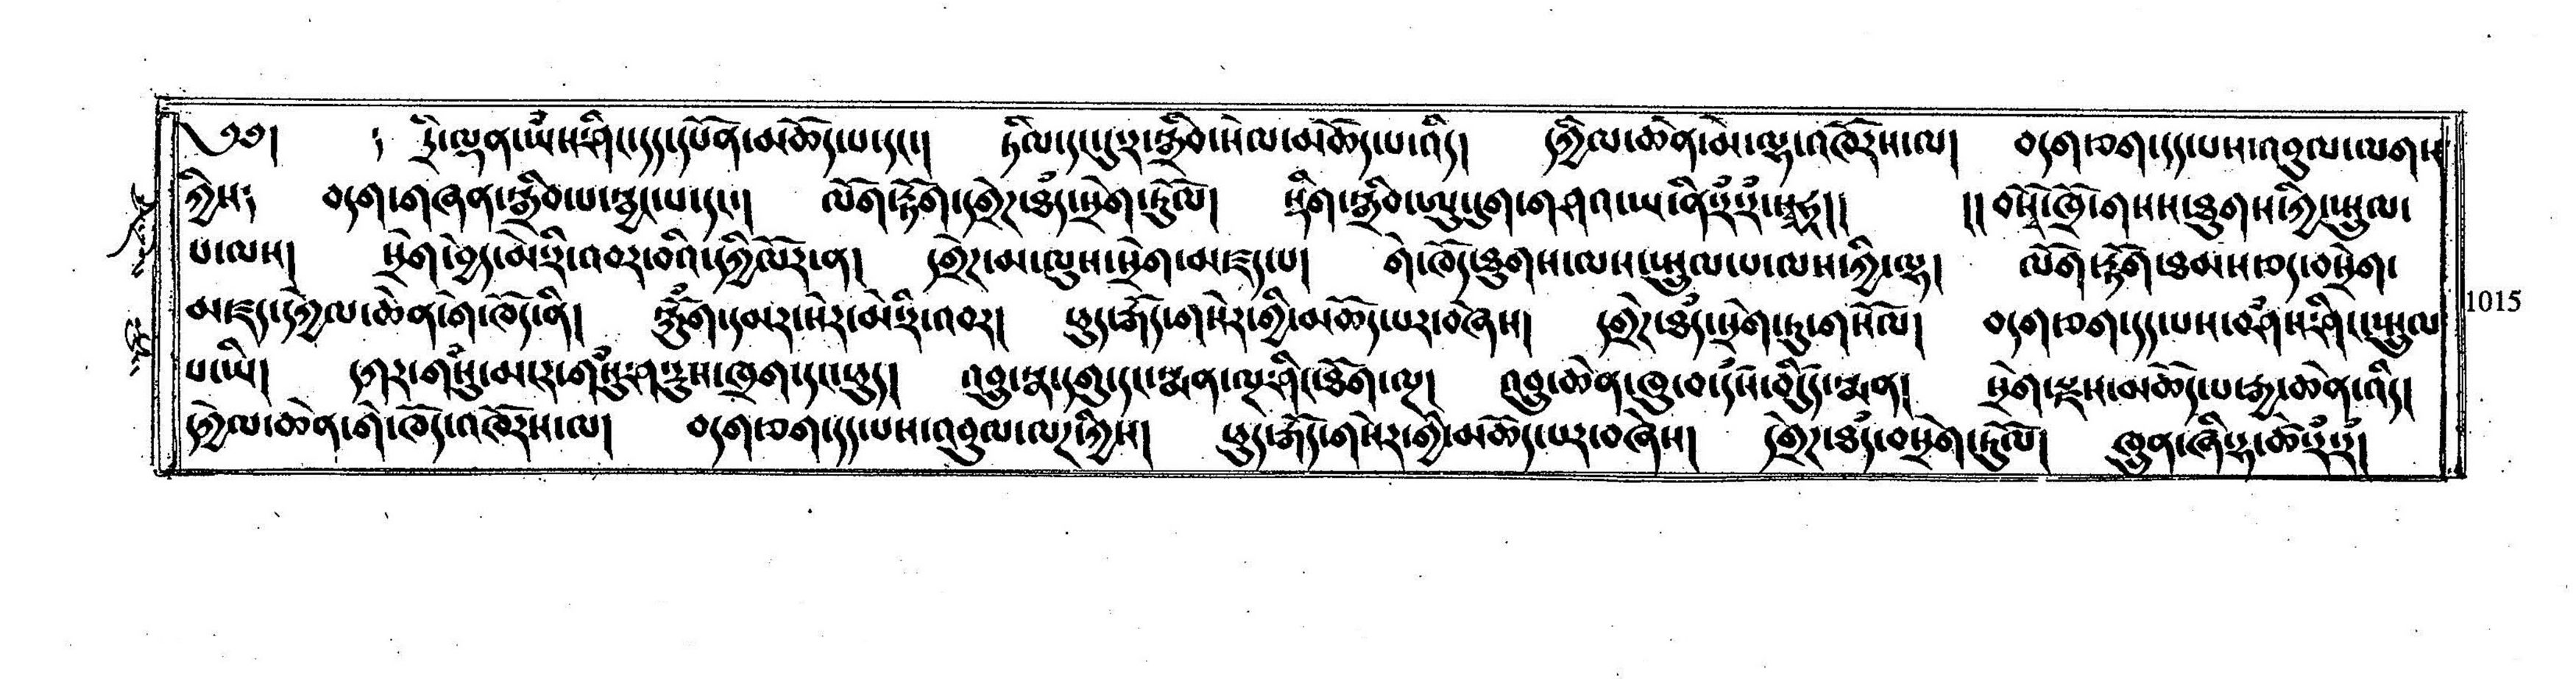དྲི་ལྡན་ཡམས་ཤིང་དེད་དཔོན་མཆོད་པ་དང་། ཏིལ་དང་དུ་ར་སྒྲིབ་སེལ་མཆོད་པ་འདི། དཀྱིལ་ཆེན་མེ་ལྷ་འཁོར་བཅས་ལ། བདག་ཅག་དད་པས་འབུལ་ལགས་
ཀྱིས། བདག་གཞན་སྒྲིབ་པ་སྦྱང་པ་དང་། ལོག་རྟོག་དགྲ་བགེགས་ཐམས་ཅད་སྲེག་ཏུ་གསོལ། སྡིག་སྒྲིབ་ཨུ་དུག་གཤའ་ཡ་ནི་རཾ་རཾ་སྭཱཧཱ།། །།བསྭོ་ཁྲོ་གསས་ཐུགས་ཀྱི་སྤྲུལ་
པ་ལས། སྲེག་བྱེད་མེ་རི་འབར་བའི་དཀྱིལ་འཁོར་ན། དགྲ་བགེགས་མ་ལུས་སྲེག་མཛད་པ། གེ་ཁོད་ཐུགས་ལས་སྤྲུལ་པ་ལས་ཀྱི་ལྷ། ལོག་རྟོག་ཐམས་ཅད་བསྲེག་
མཛད་དཀྱེལ་ཆེན་གེ་ཁོད་ནི། སྐུ་མདོག་དམར་སེར་མེ་རི་འབར། ཕུད་རྒོད་གསེར་གྱི་མཆོད་པར་བཞེས། དགྲ་བགེགས་ཐམས་ཅད་སྲེག་ཏུ་གསོལ། བདག་ཅག་དད་པས་བཤམས་ཤིང་སྤྲུལ་
པ་ཡི། དཀར་གསུམ་མངར་གསུམ་ཤ་རུས་ཁྲག་དང་ཕུད། འབྲུ་སྣ་དགུ་དང་སྨན་ལྔ་ཤིང་ཐོག་ལྔ། འབྲུ་ཆེན་ཁུ་བ་དམ་རྫས་བདུད་རྩི་སྨན། སྲེག་རྫས་མཆོད་པ་རྒྱ་ཆེན་འདི། 
དཀྱེལ་ཆེན་གེ་ཁོད་འཁོར་བཅས་ལ། བདག་ཅག་དད་པས་འབུལ་ལགས་ཀྱིས། ཕུད་རྒོད་གསེར་གྱི་མཆོད་པར་བཞེས། དགྲ་བགེགས་ཐམས་ཅད་བསྲེག་ཏུ་གསོལ། ཁྲུན་ཞི་དྷ་ཚེ་རཾ་རཾ།